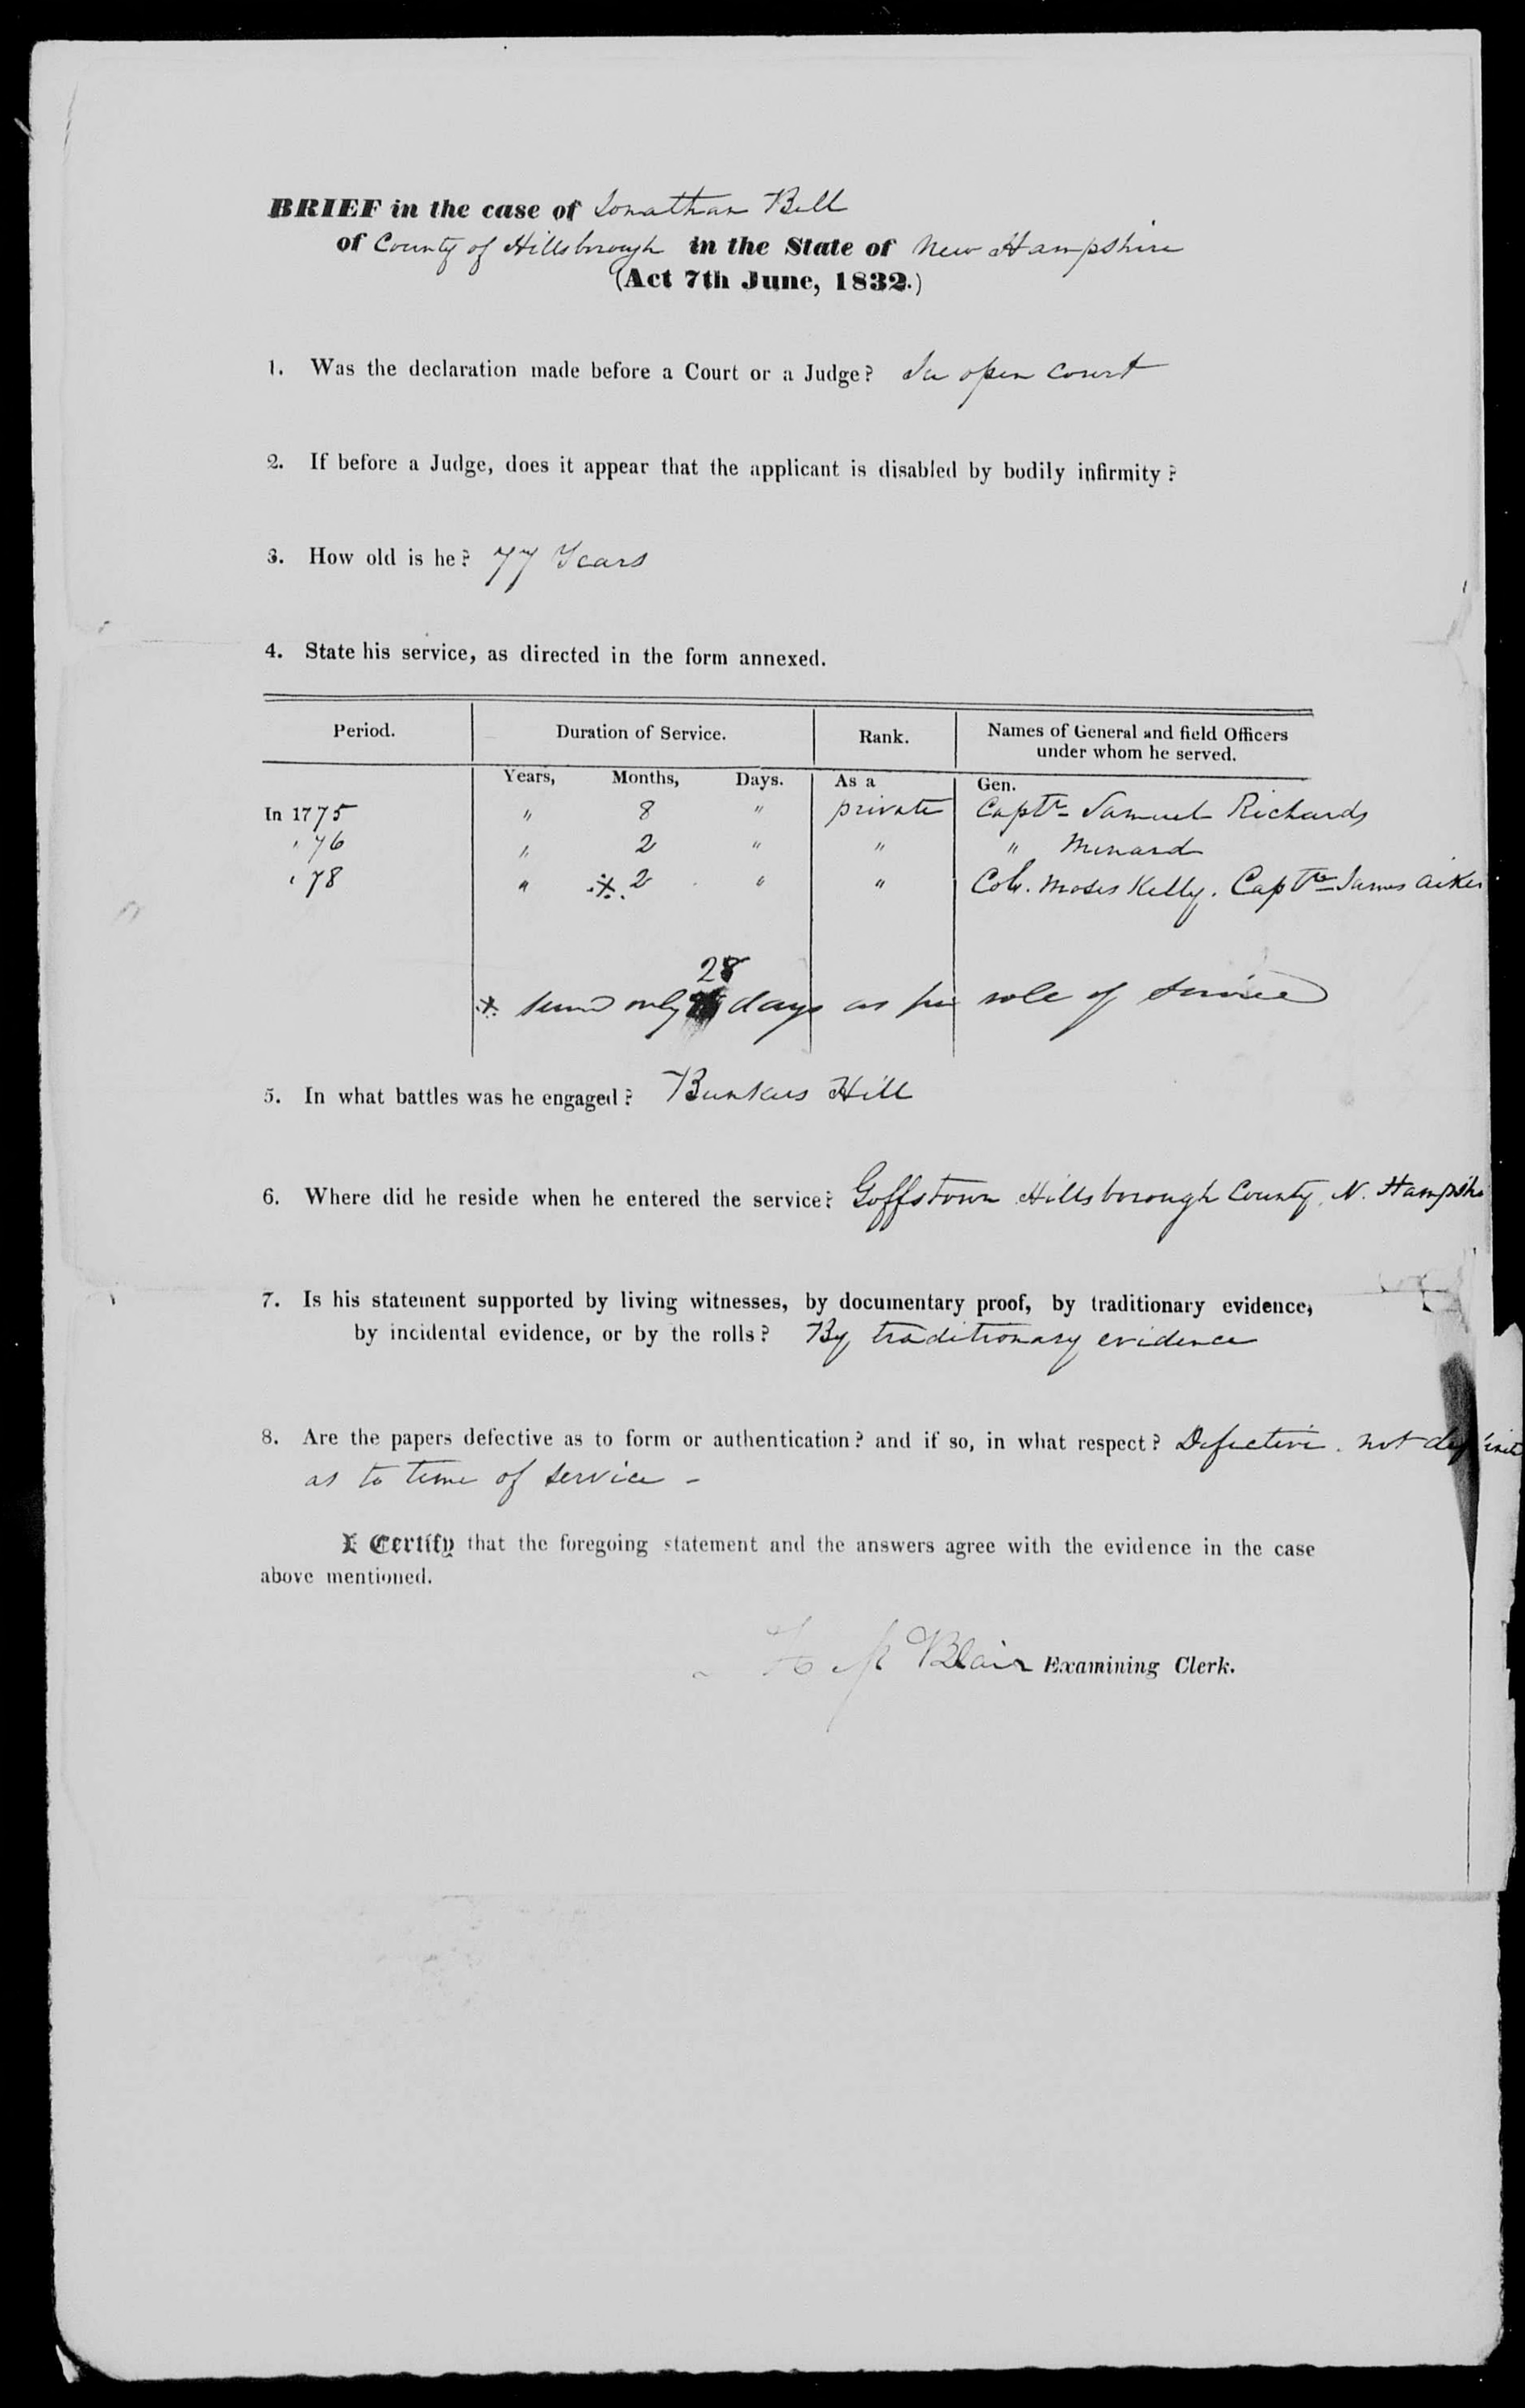BRIEF in the case of Jonathan Bell of County of Hillsborough in the State of New Hampshire
(Act 7th June, 1832.)
1. Was the declaration made before a Court or a Judge? In open court
2. If before a Judge, does it appear that the applicant is disabled by bodily infirmity? [blank]
3. How old is he? 77 Years
4. State his service, as directed in the form annexed.
[column headings: Period.|Duration of Service.(Years,|Months,|Days.)|Rank. As a|Names of Generals and field Officers under whom he served. Gen.|]
In 1775|( " |8| " )|private|Capt'n Samuel Richards|
 '76|( " |2| " )| " | " Menard (Maynard)|
 '78|( " |*2| " )| " |Colo. Moses Kelly. Capt'n James Acker|
*served only 28 days as per roll of service
[end of columns]
5. In what battles was he engaged? Bunker Hill
6. Where did he reside when he entered the service? Goffstown Hillsborough County, N. Hampshire
7. Is his statement supported by living witnesses, by documentary proof, by traditionary evidence, by incidental evidence, or by the rolls? By traditionary evidence
8. Are the papers defective as to form or authentication? and if so, in what respect? Defective, not definite as to time of service - 
I Certify that the foregoing statement and the answers agree with the evidence in the case above mentioned. 
/s/Hess Blair Examining Clerk.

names: Samuel Richards, Hess Blair, Minard, Jonathan Bell, Moses Kelly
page: 4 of 13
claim: survivor's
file: S. 12172, Jonathan Bell, N.H.